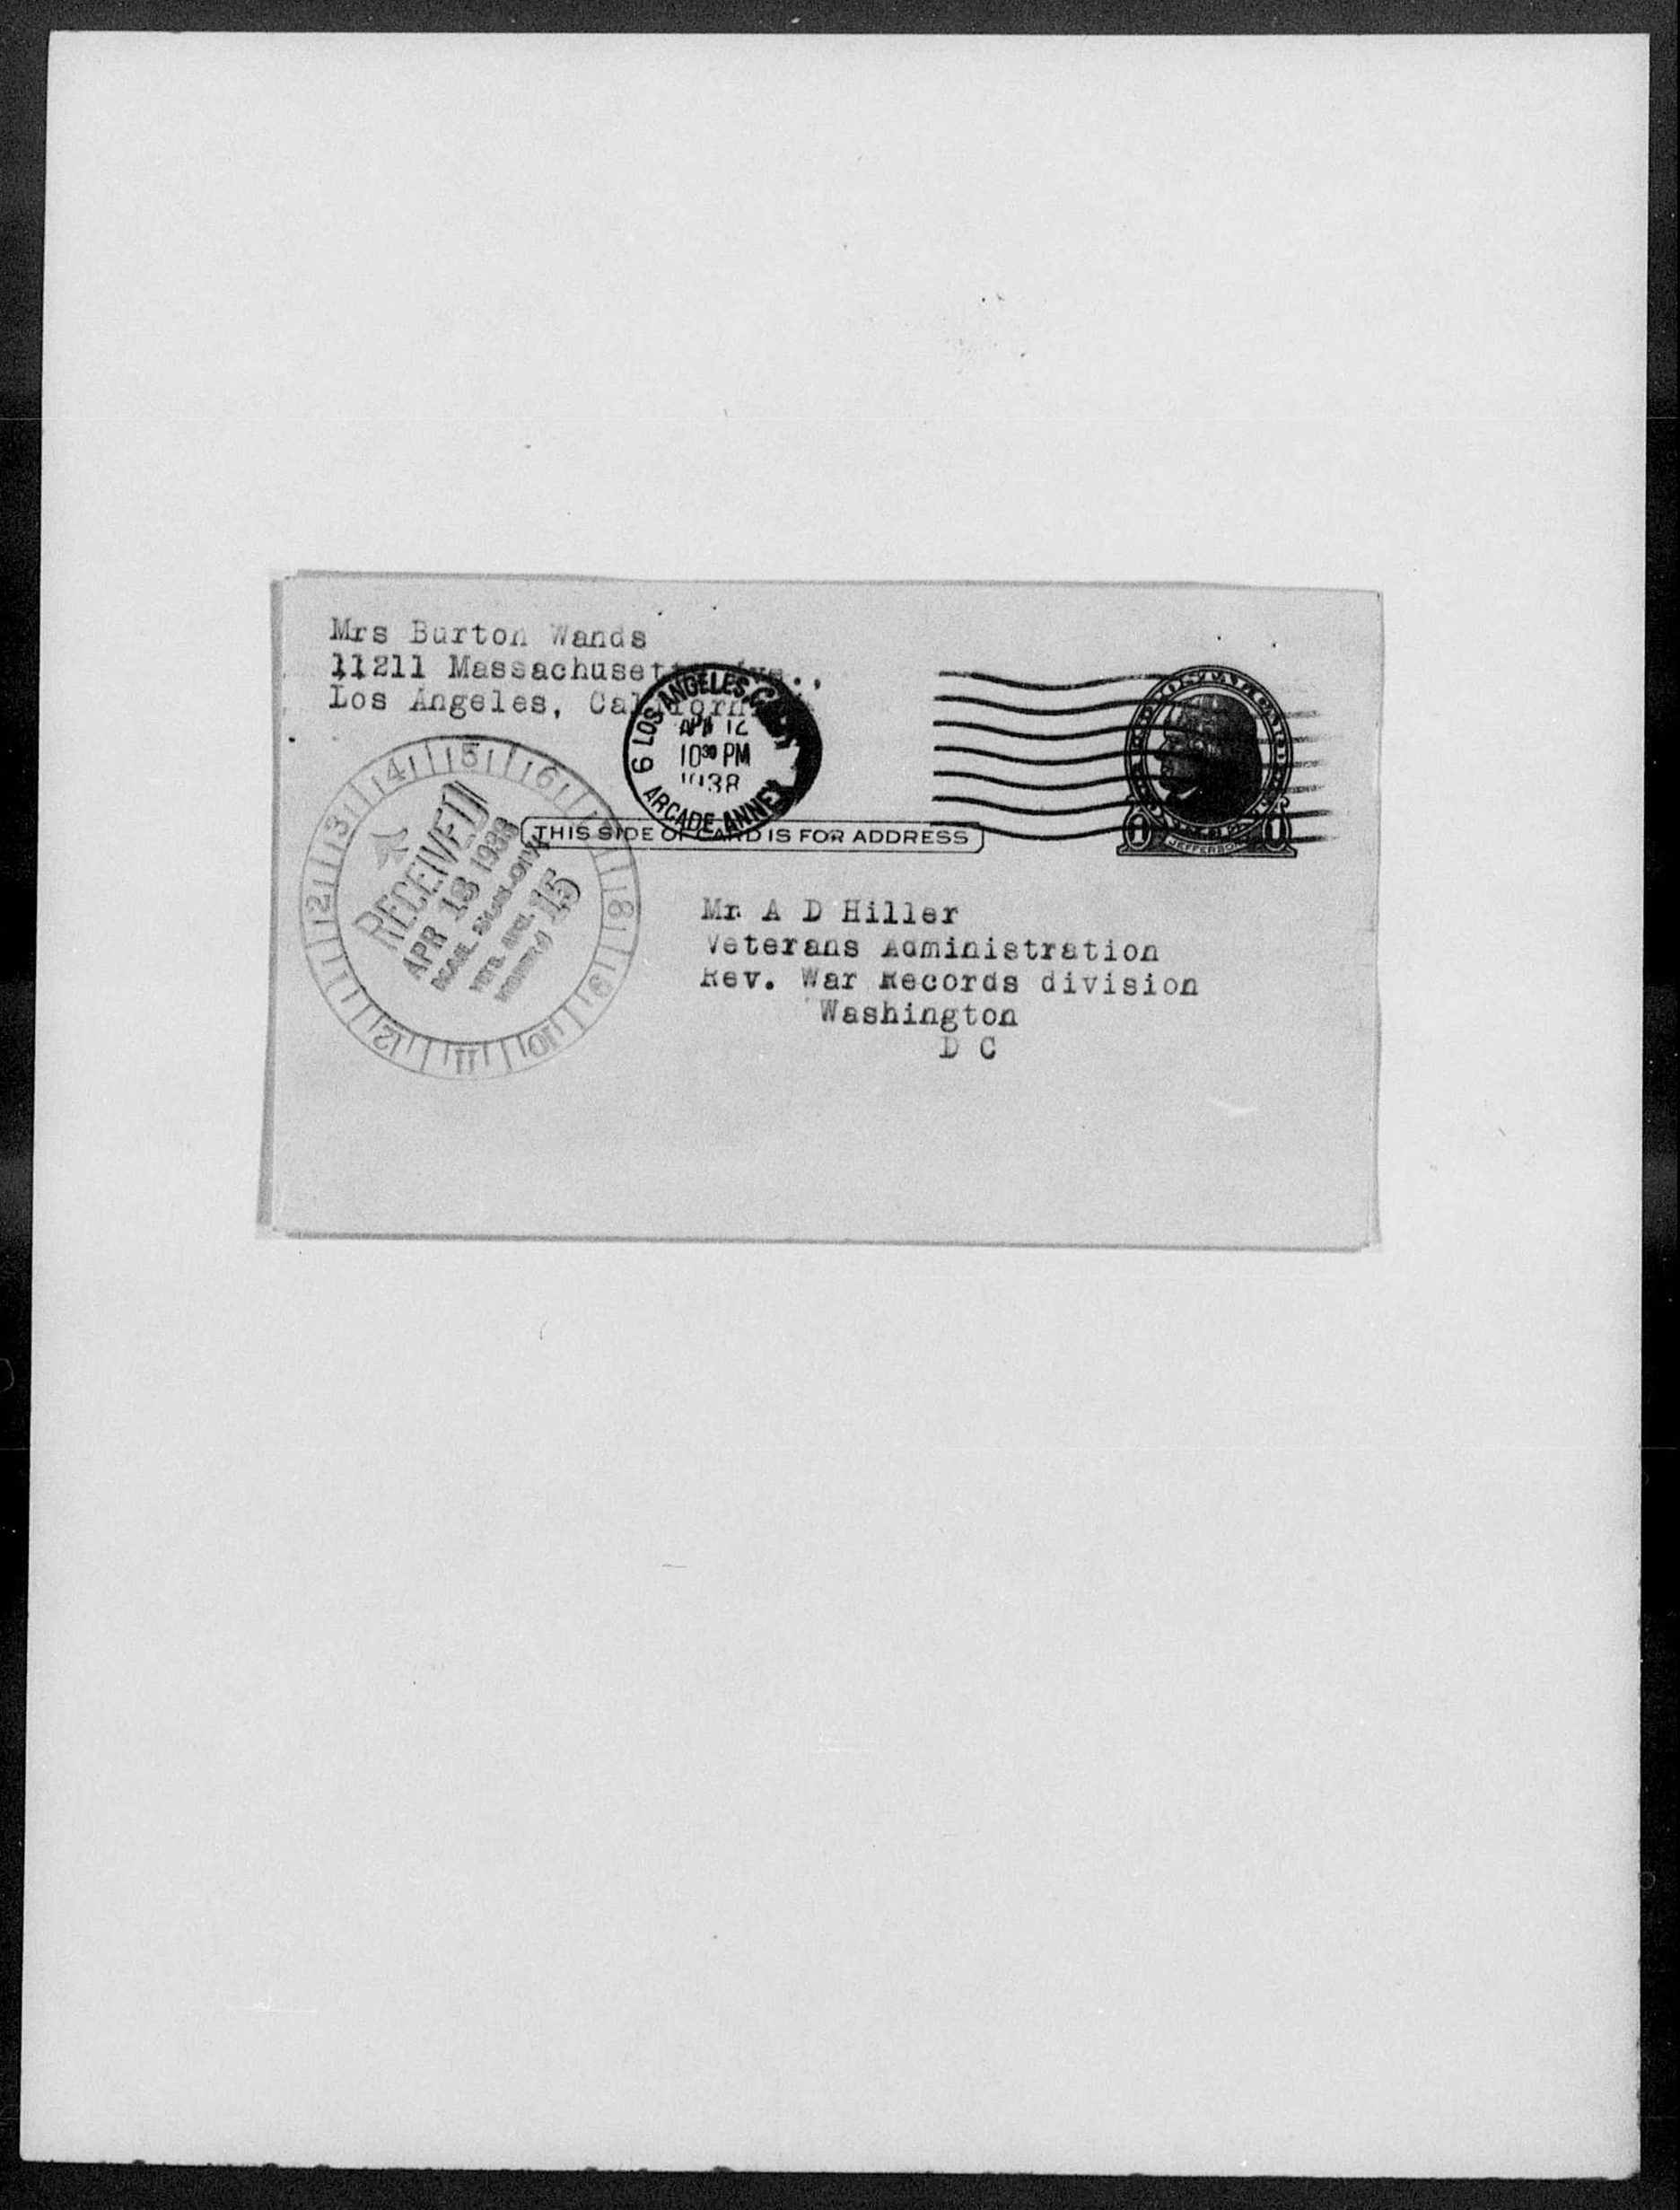Mrs. Burton Wands 
11211 Massachusetts Ave 
Los Angeles, California 

THIS SIDE OF CARD IS FOR ADDRESS 

Mr. A.D. Hiller 
Veterans Administration 
Rev. War Records division 
Washington
D.C.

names: A D Hiller, Burton Wands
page: 31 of 42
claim: survivor's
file: S. 31,595, John Carmickele, Penn.